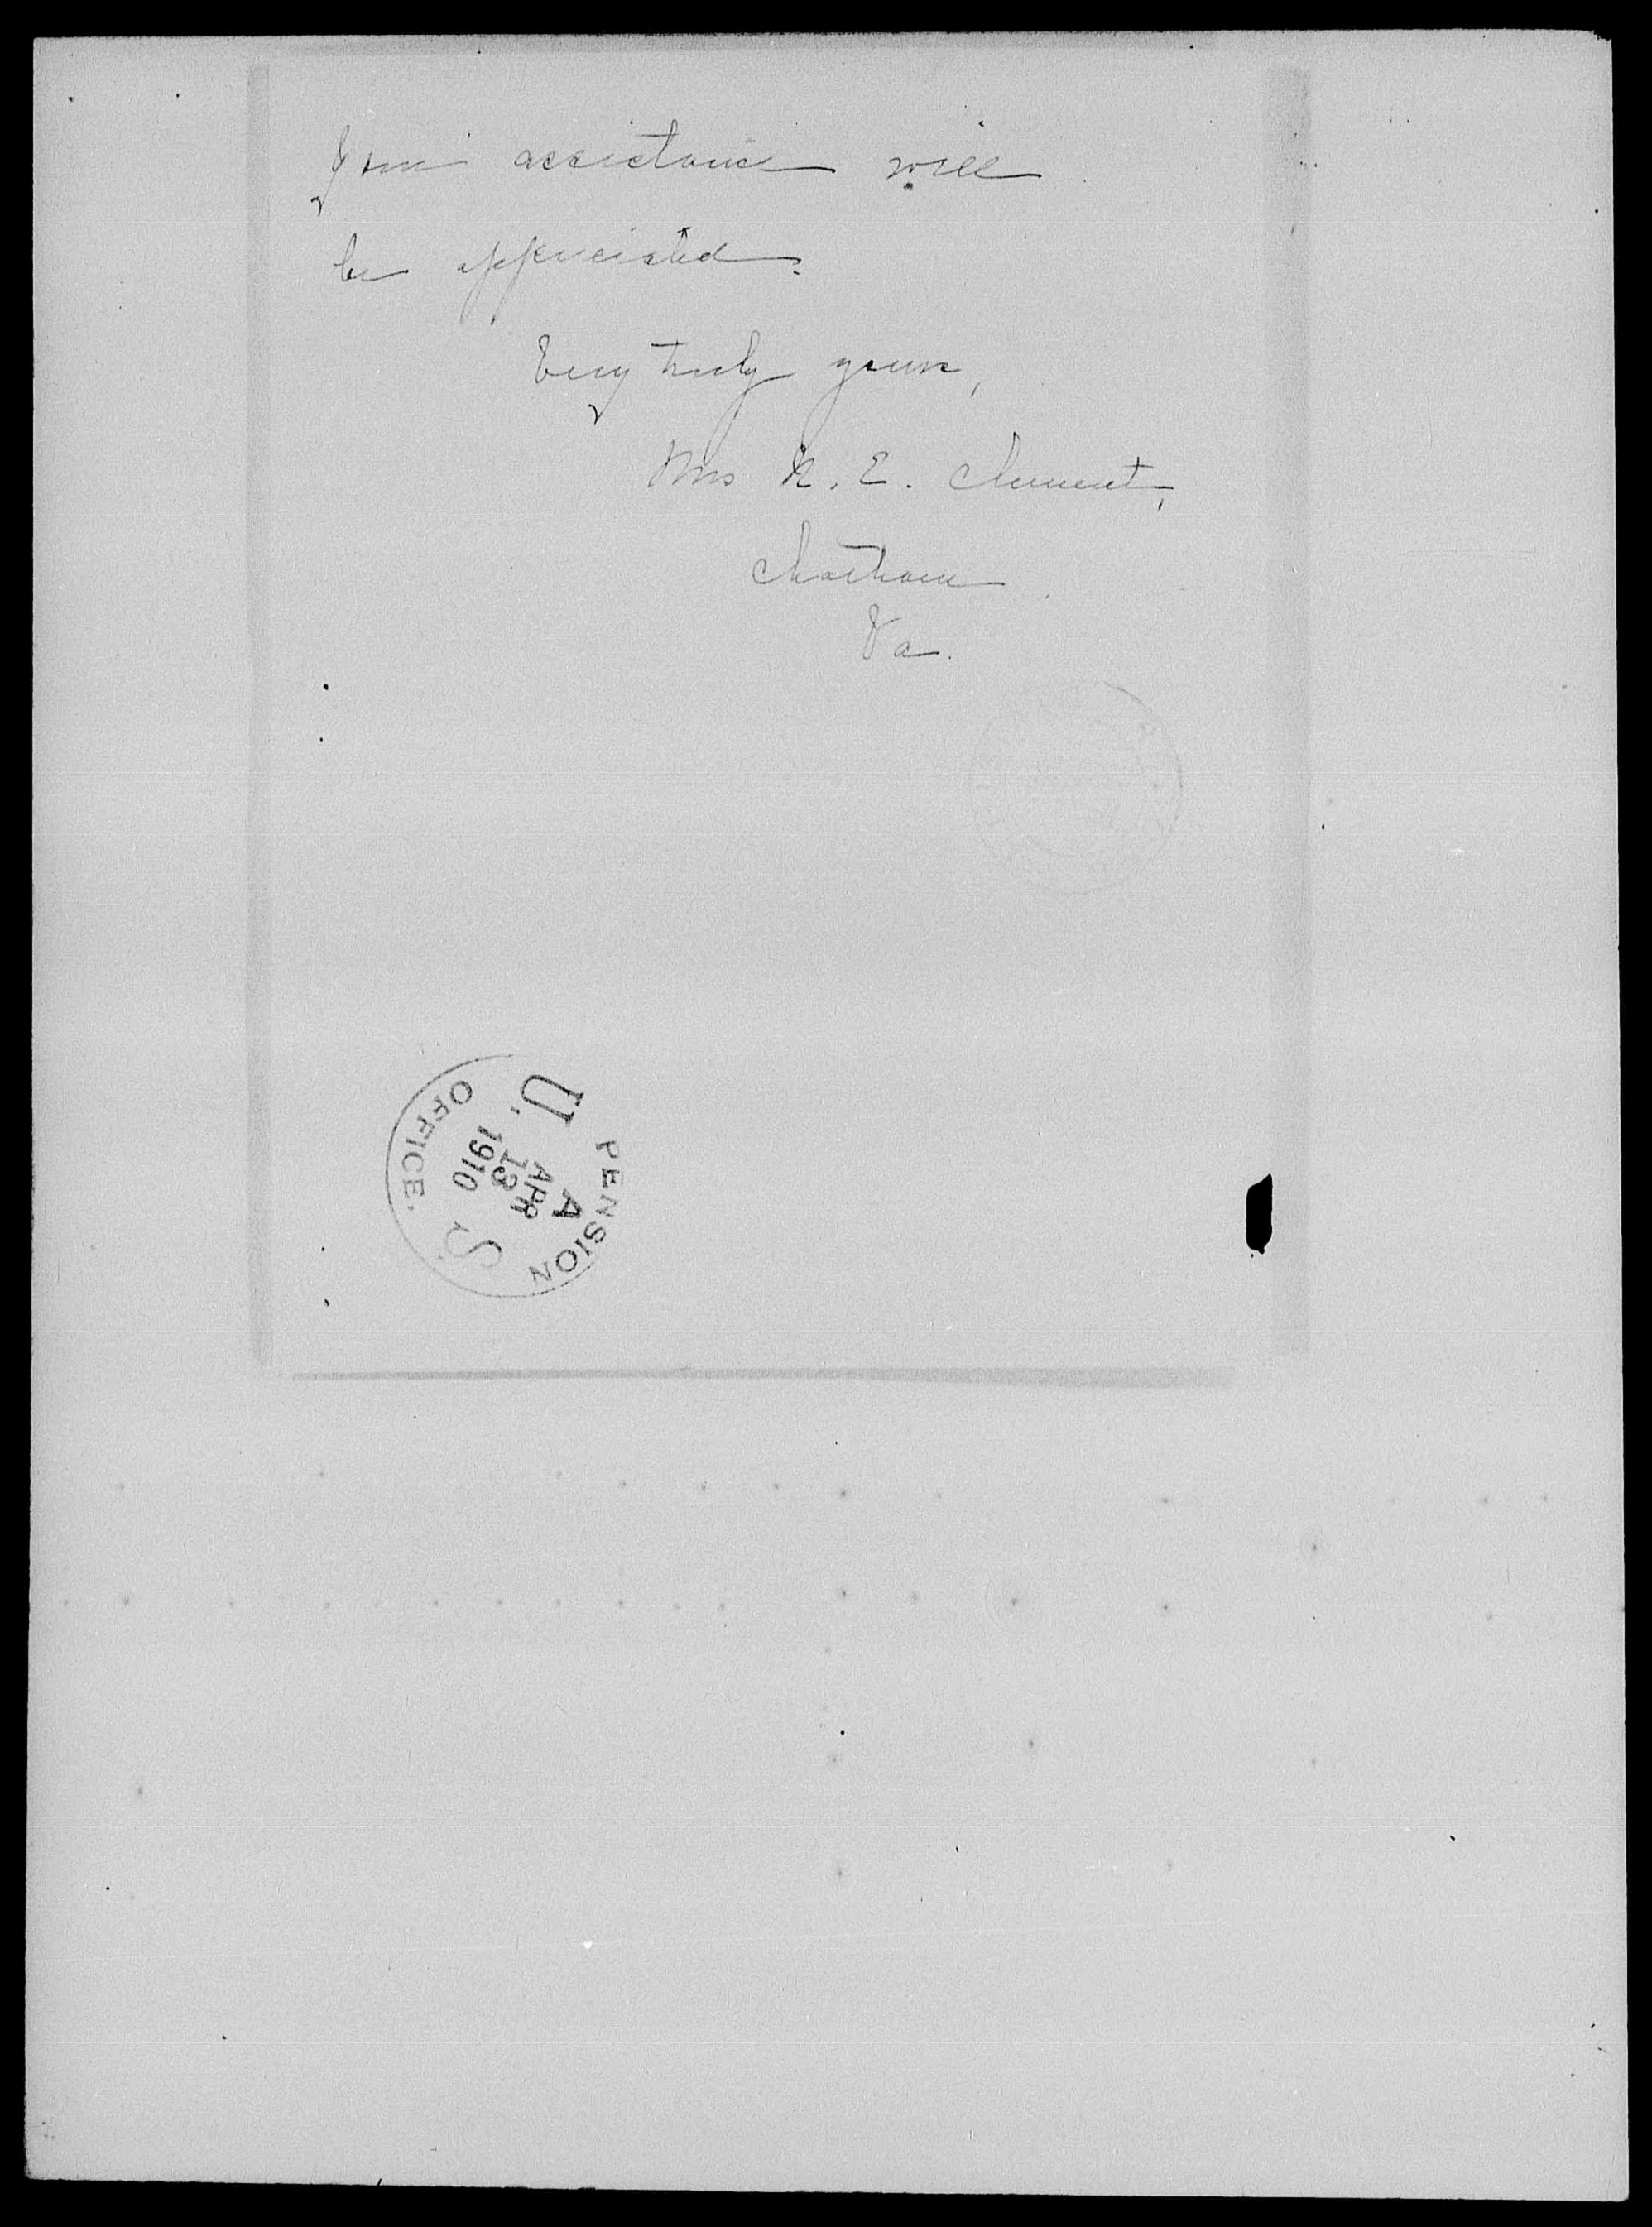your assistance will be appreciated.

Very truly yours 
Mrs. N. E. Clement 
Chatham Va.

[circular stamp] PENSION A APR 13 1910 U. S. OFFICE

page: 16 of 18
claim: survivor's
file: S. 8742, for Moses Hutchings, Virginia